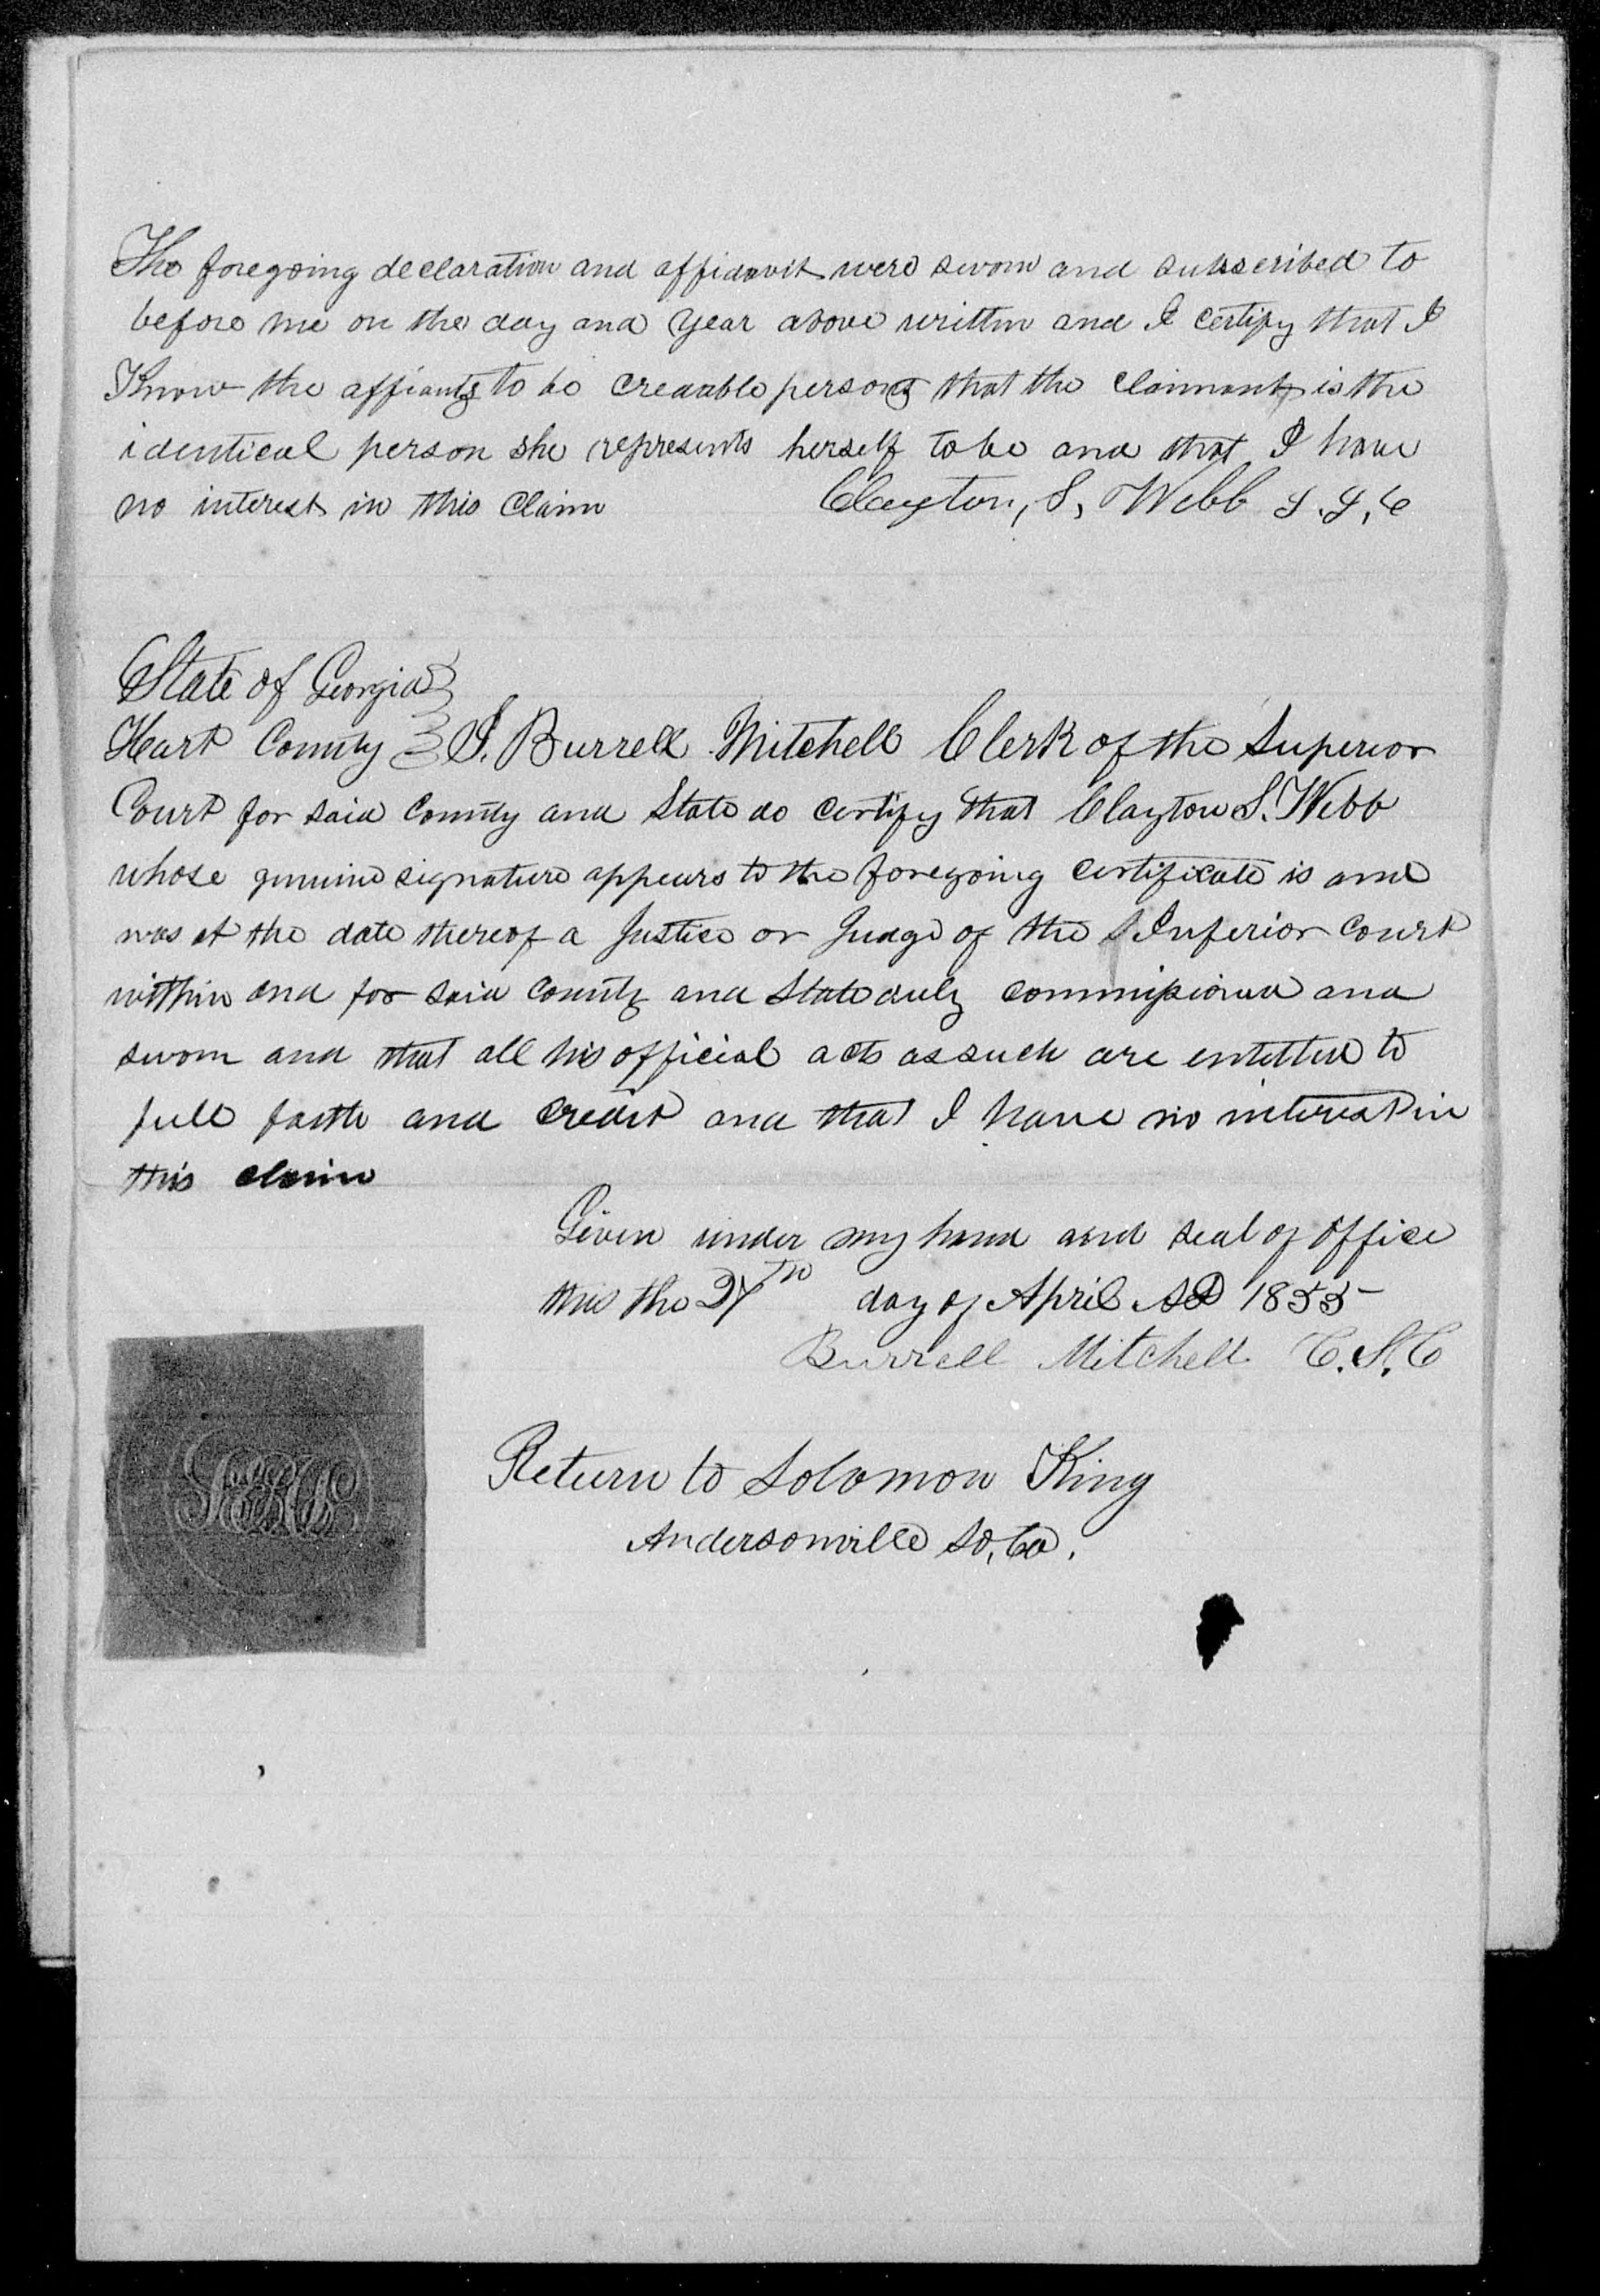The foregoing declaration and affidavit were sworn and subscribed before me on the day and year above written and I certify that I show the affidavit to be creditable person that the claimant is the identical person she represents herself to be and that I have no interest in this claim.     Clayton, S, Webb g.g, 6

State of Georgia }
Hart County} I Burrell Mitchell Clerk of the Superior Court for said county and State do certify that Clayton S. Webb whose genuine signature appears to the foregoing certificate is and was of the date thereof a Justice or Judge of the Inferior Court within and for said county and state duly commissioned and sworn and that all his official acts as such are entitled to full faith and credit and that I have no interest in this claim

Given under my hand and seal of office this the 27th day of April AD 1855-

Burrell Mitchell C.S.C.
Return to Solomon King
Andersonville So,Ga.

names: Clayton S Webb, Solomon King, Burrell Mitchell, Burrell Mitchell, Clayton S Webb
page: 10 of 51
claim: widow's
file: W. 929, William Glover, N.C.